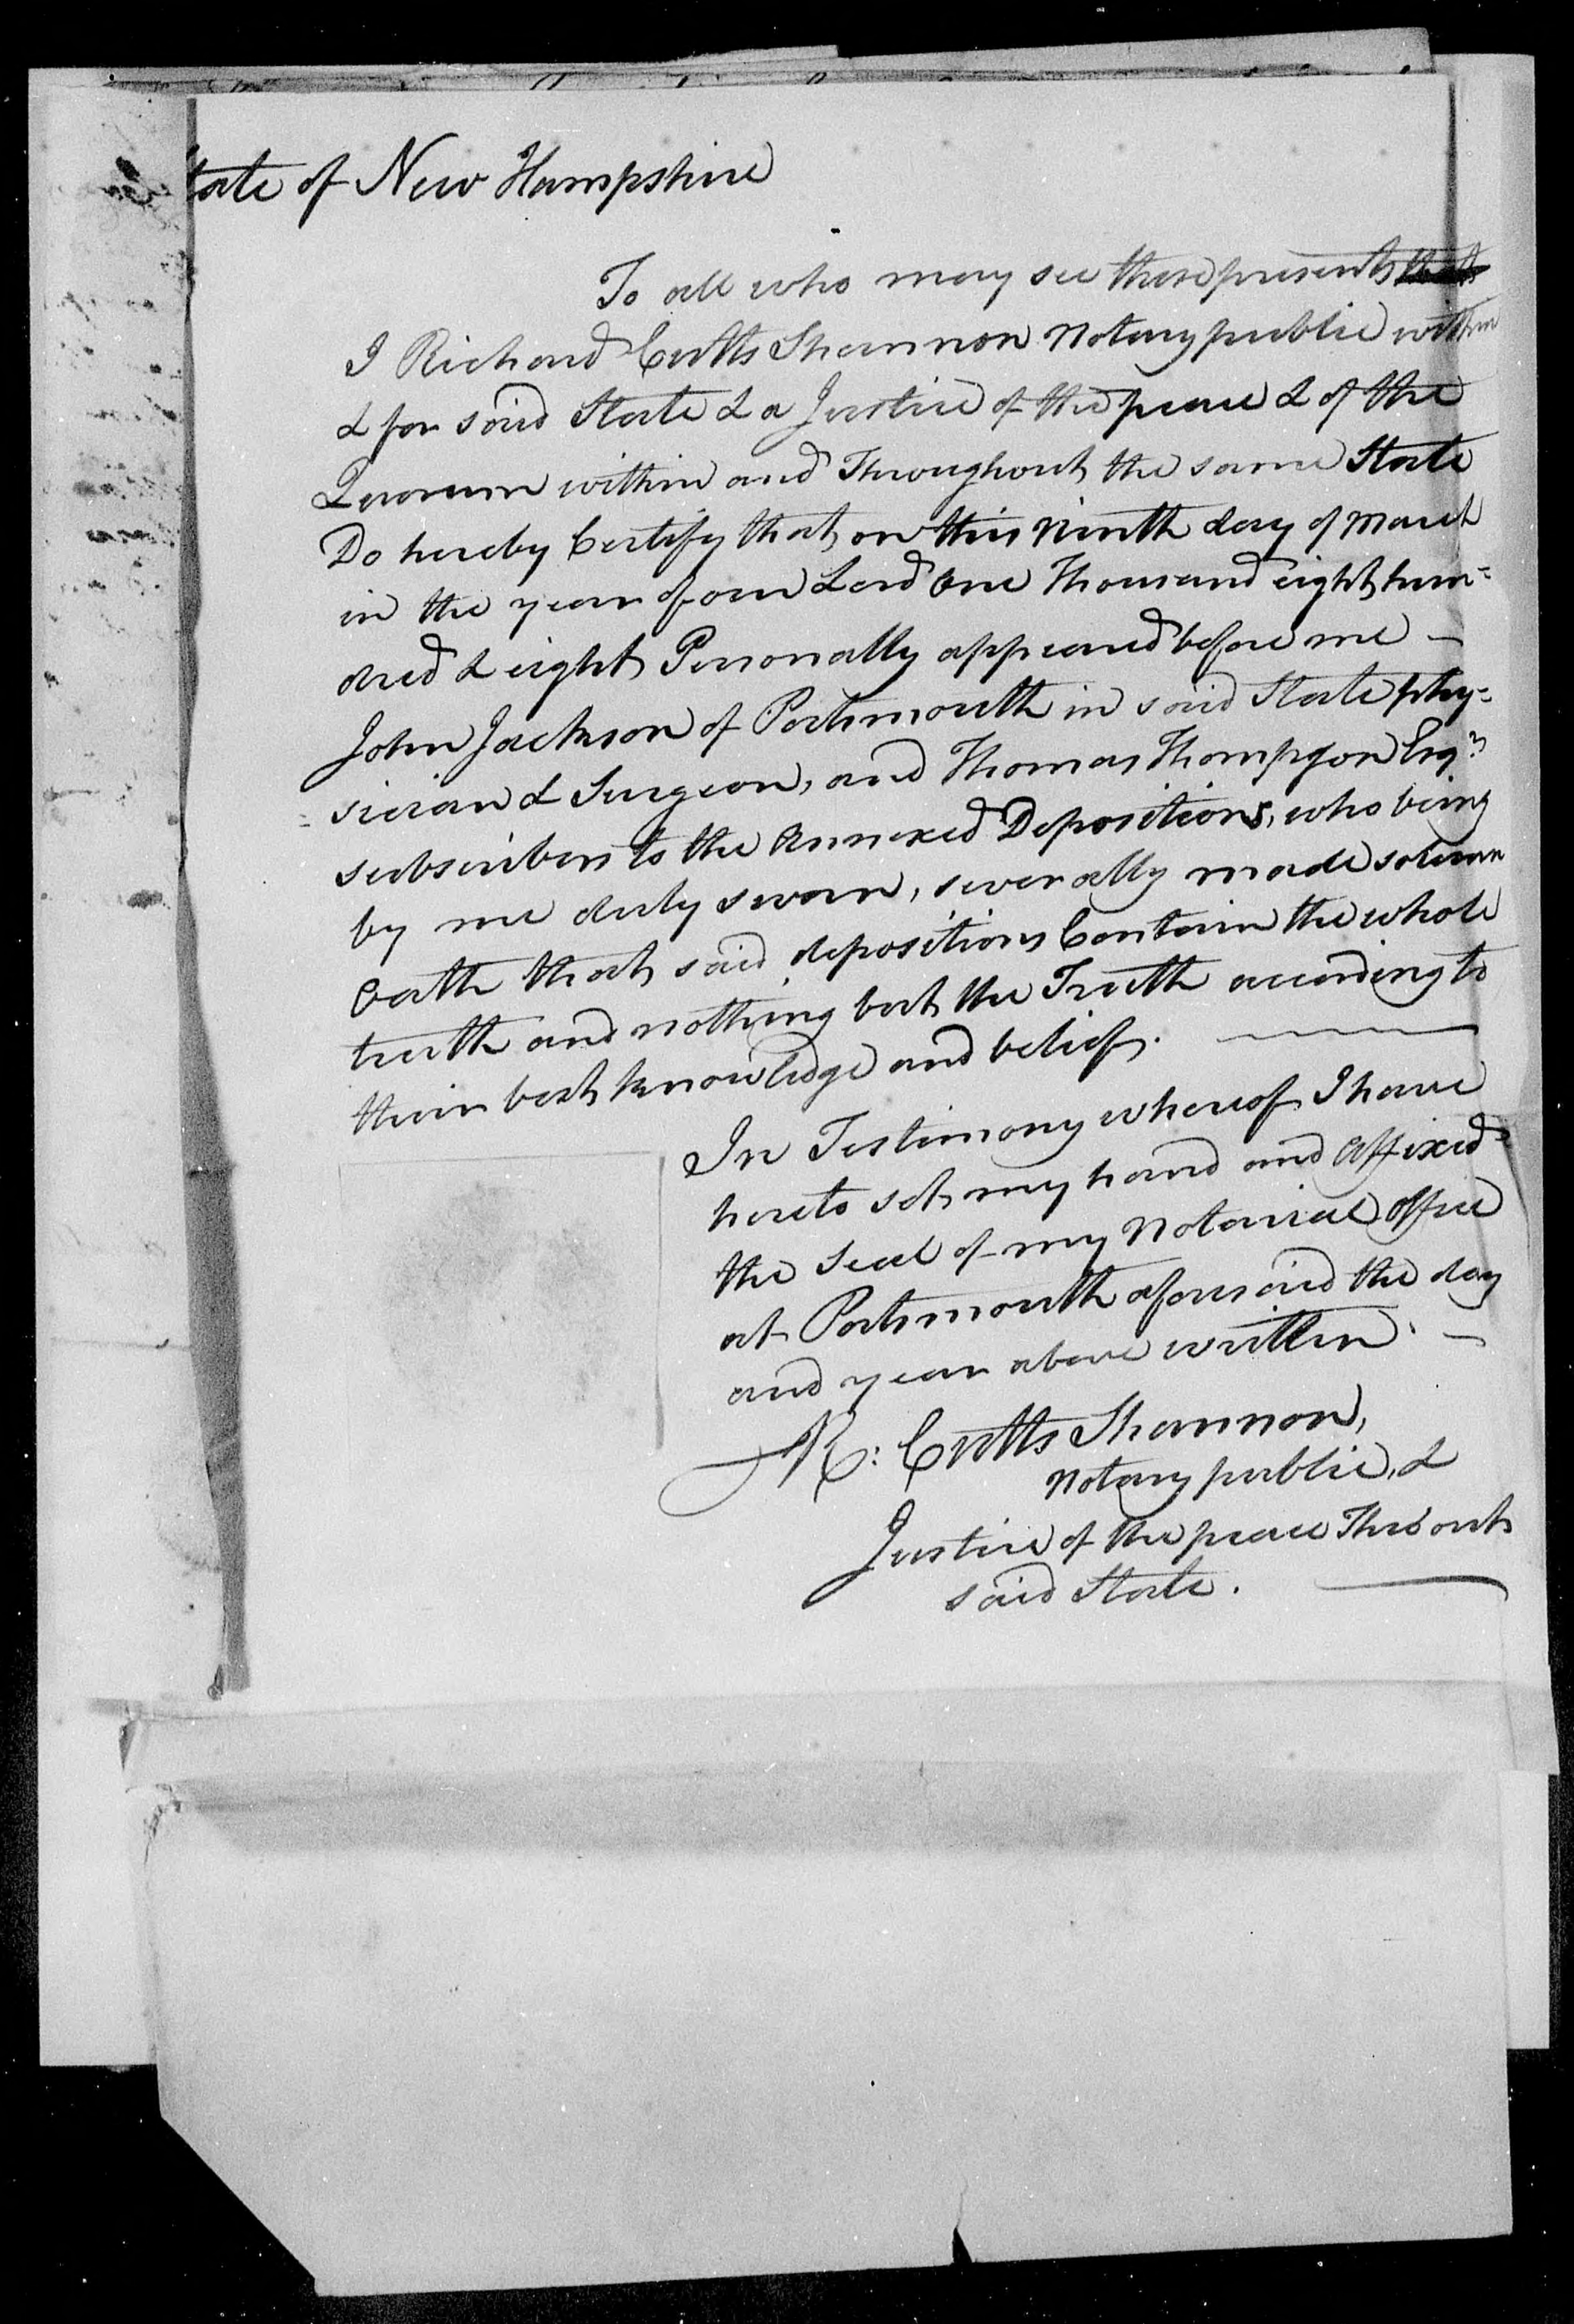State of New Hampshire
To all who may see these presents ['that' crossed out] I Richard Cutts Shannon Notary public within & for said State & a Justice of the peace & of the Quorum within and Throughout the same State Do hereby certify that on this ninth day of March in the year of our Lord one Thousand eight hundred & eight Personally appeared before me - John Jackson of Portsmouth in said State physician & Surgeon, and Thomas Thompson Esq'r subscriber to the annexed Depositions, who being by me duly sworn, severally made solemn oath that said depositions contain the whole truth and nothing but the Truth according to their best knowledge and belief.
[notarial seal affixed] In Testimony whereof I have hereto set my hand and affixed the seal of my notarial office at Portsmouth aforesaid the day and year above written - 
/s/R. Cutts Shannon, notary public, & Justice of the peace thro'out said State.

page: 12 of 18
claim: survivor's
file: S. 41,827, for Samuel Mc Connel, Vermont